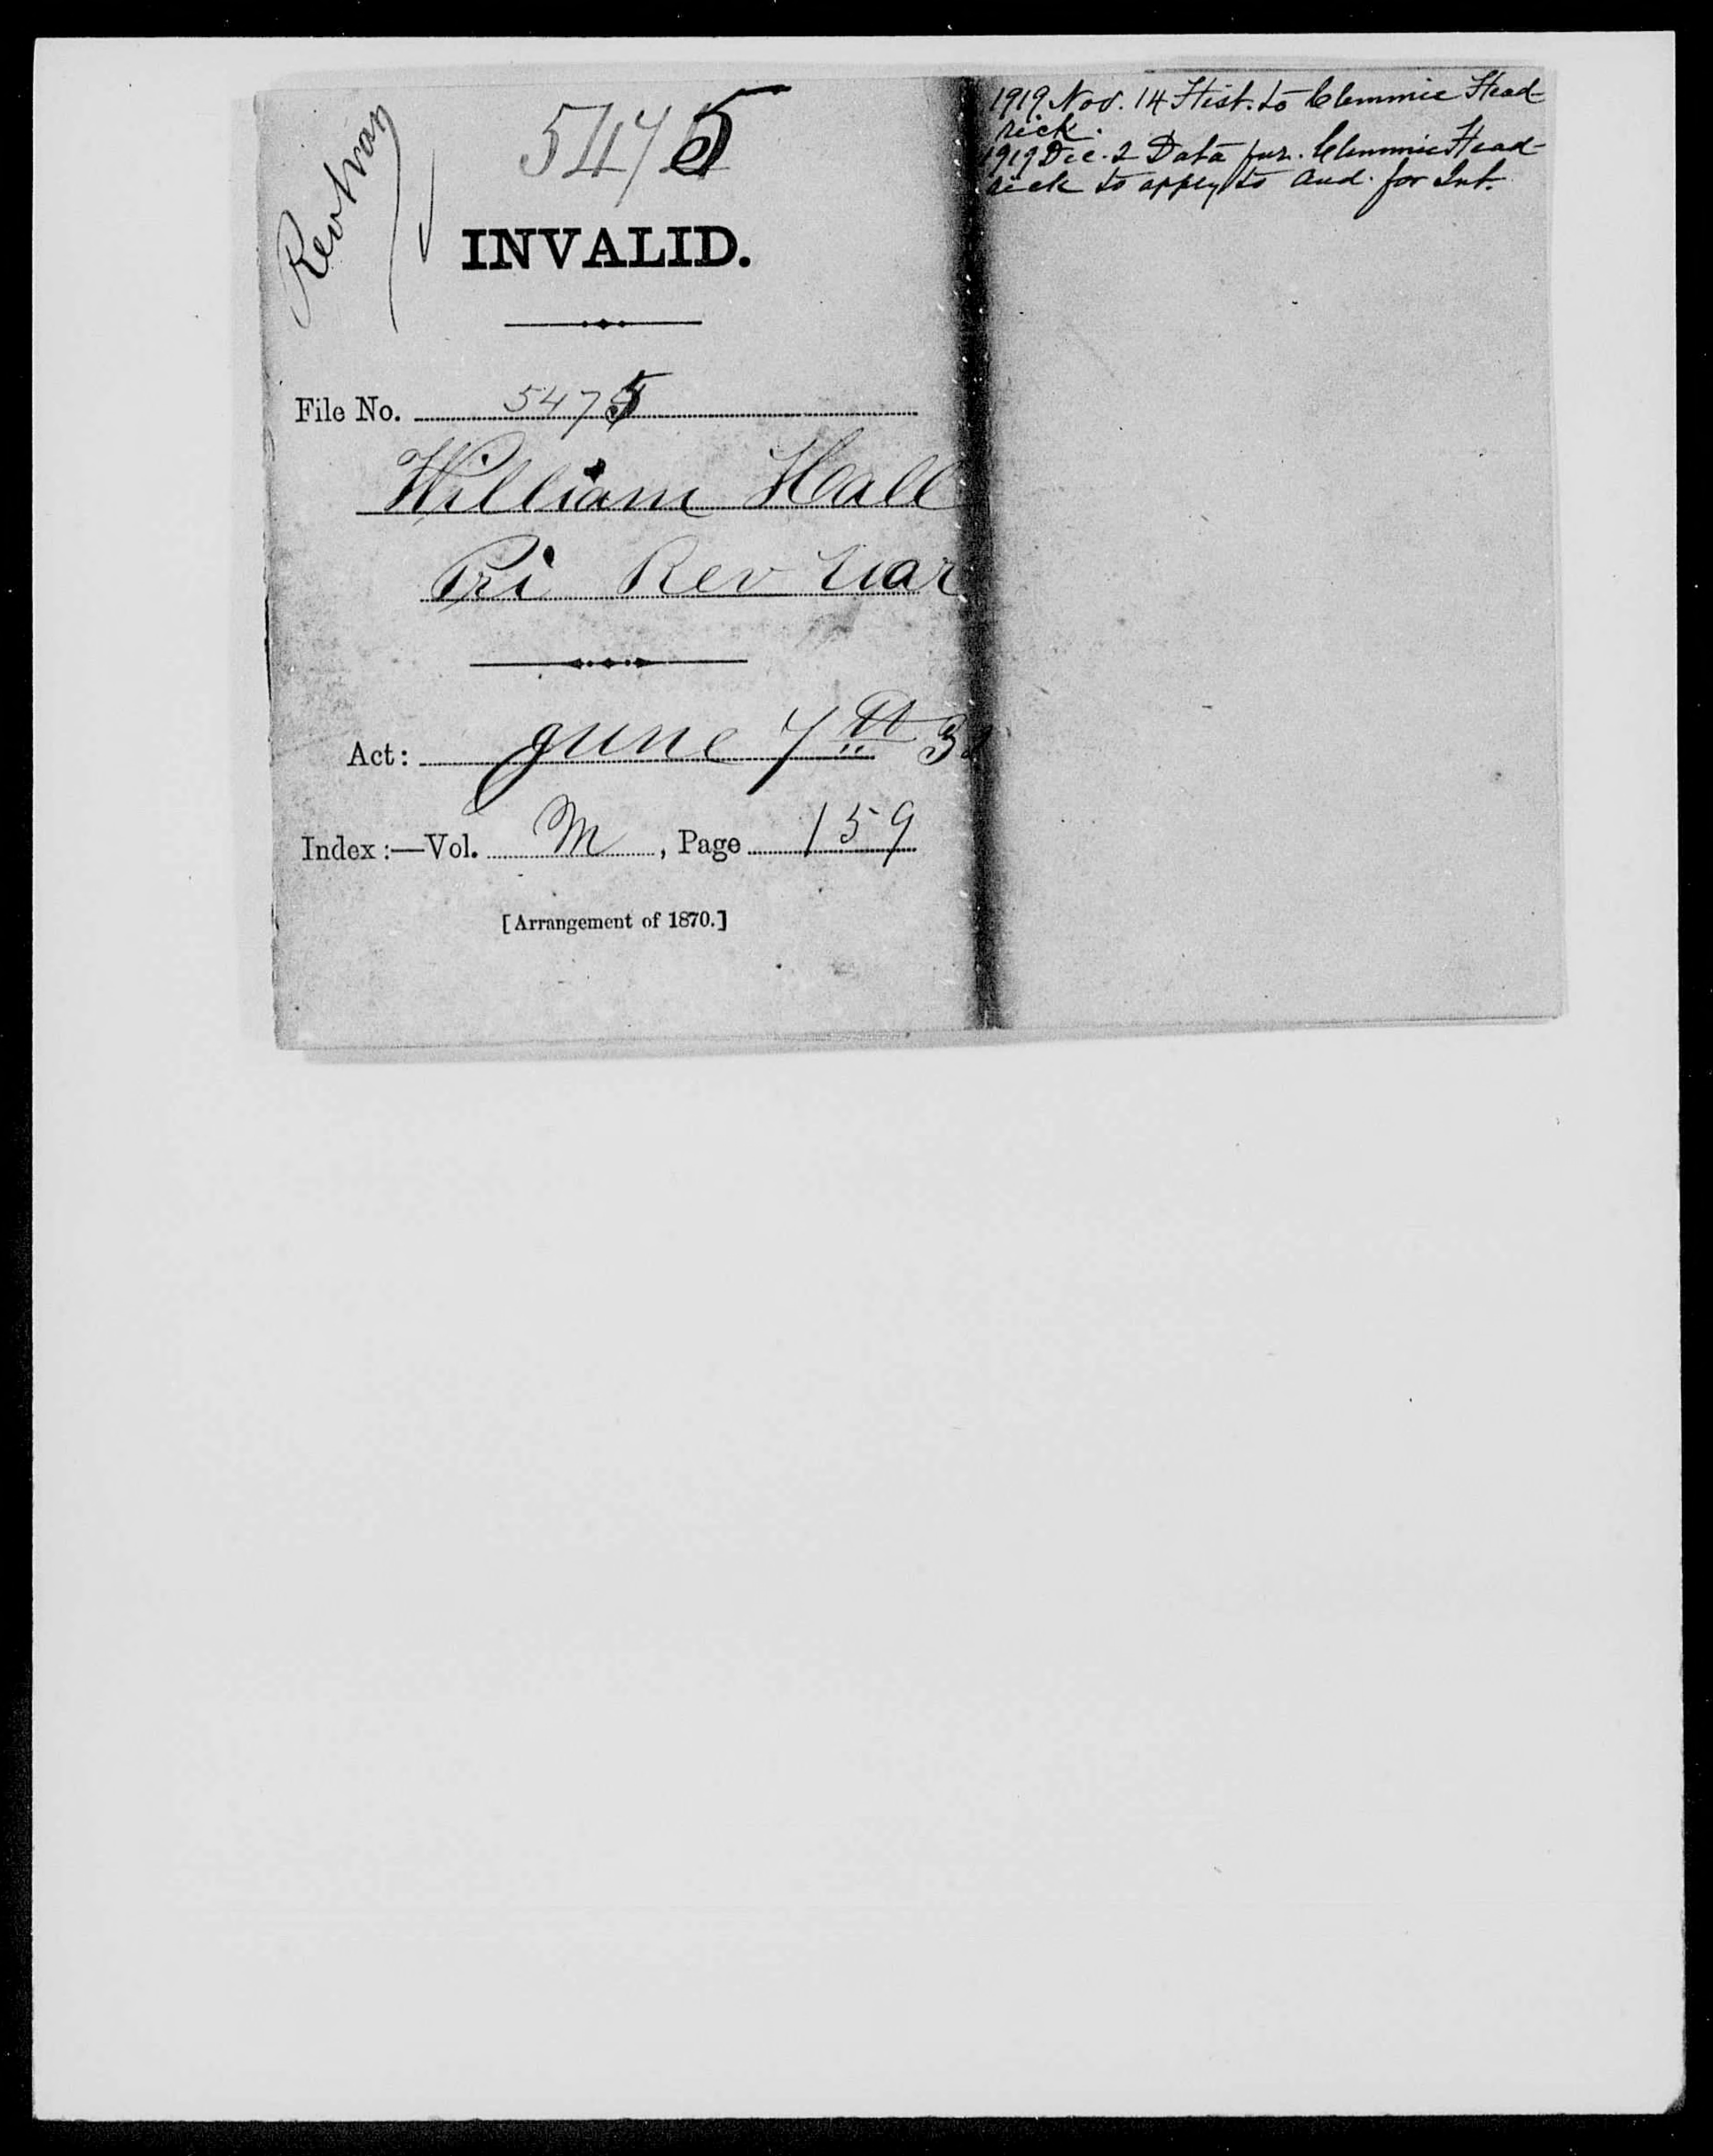Rev War  5475
INVALID.
File No. 5475
William Hall
Pri. Rev War
Act: June 7th 32
Index:- Vol. M, Page 159
[Arrangement of 1870.]


1919 Nov. 14  Hist. to Clemmie Headrick.
1919 Dec. 2 Data fur. Clemmie Headrick
to apply to ud. for Int.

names: William Hall, Clemmie Headrick, Clemmie Headrick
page: 12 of 15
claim: survivor's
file: S. 5475, William Hall, Va.